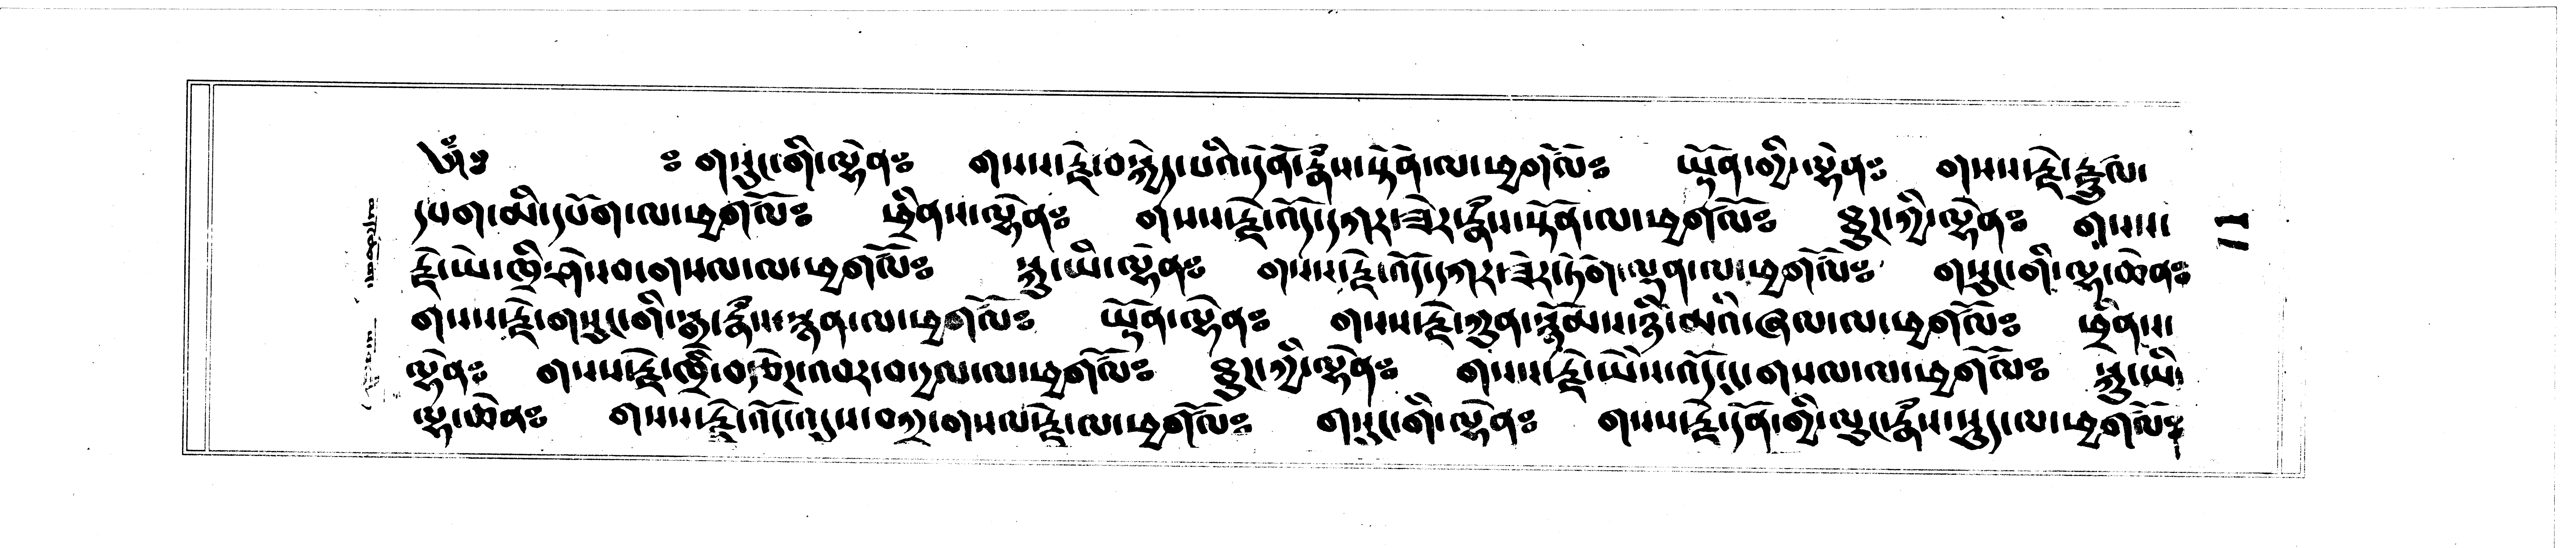གསུང་གི་ལྷ་ཆེནཿ གསས་རྗེ་བསྐྱེད་པའི་དོན་རྣམས་སྟོན་ལ་ཕྱག་འཚལ་ལོཿ ཡོན་ཏན་གྱི་ལྷ་ཆེནཿ གསས་རྗེ་རྫུ་འཕྲུལ་
དཔག་མི་དཔོག་ལ་ཕྱག་འཚལ་ལོཿ ཕྲིན་ལས་ཀྱི་ལྷ་ཆེནཿ གསས་རྗེ་འོད་དཀར་ཟེར་རྣམས་སྟོན་ལ་ཕྱག་འཚལ་ལོཿ ཐུགས་ཀྱི་ལྷ་ཆེནཿ གསས་
རྗེ་ཡེ་ཁྲི་ཤེས་རབ་གསལ་ལ་ཕྱག་འཚལ་ལོཿ སྐུ་ཡི་ལྷ་ཆེནཿ གསས་རྗེ་འོད་དཀར་ཟེར་ཏོག་ལྡན་ལ་ཕྱག་འཚལ་ལོཿ གསུང་གི་ལྷ་ཆེནཿ 
གསས་རྗེ་གསུང་གི་སྒྲ་རྣམས་སྙན་ལ་ཕྱག་འཚལ་ལོཿ ཡོན་ཏན་གྱི་ལྷ་ཆེནཿ གསས་རྗེ་ཀུན་སྙོམས་ཉི་མའི་ཞལ་ལ་ཕྱག་འཚལ་ལོཿ ཕྲིན་ལས་ཀྱི་
ལྷ་ཆེནཿ གསས་རྗེ་ཁྲི་བརྩེགས་འབར་བ་རྒྱལ་ལ་ཕྱག་འཚལ་ལོཿ ཐུགས་ཀྱི་ལྷ་ཆེནཿ གསས་རྗེ་ཡེ་ཤེས་འོད་དུ་གསལ་ལ་ཕྱག་འཚལ་ལོཿ སྐུ་ཡི་
ལྷ་ཆེནཿ གསས་རྗེ་འོད་འདུས་བཀྲ་གསལ་རྗེ་ལ་ཕྱག་འཚལ་ལོཿ གསུང་གི་ལྷ་ཆེནཿ གསས་རྗེ་དོན་གྱི་ལུང་རྣམས་སྡུད་ལ་ཕྱག་འཚལ་ལོཿ